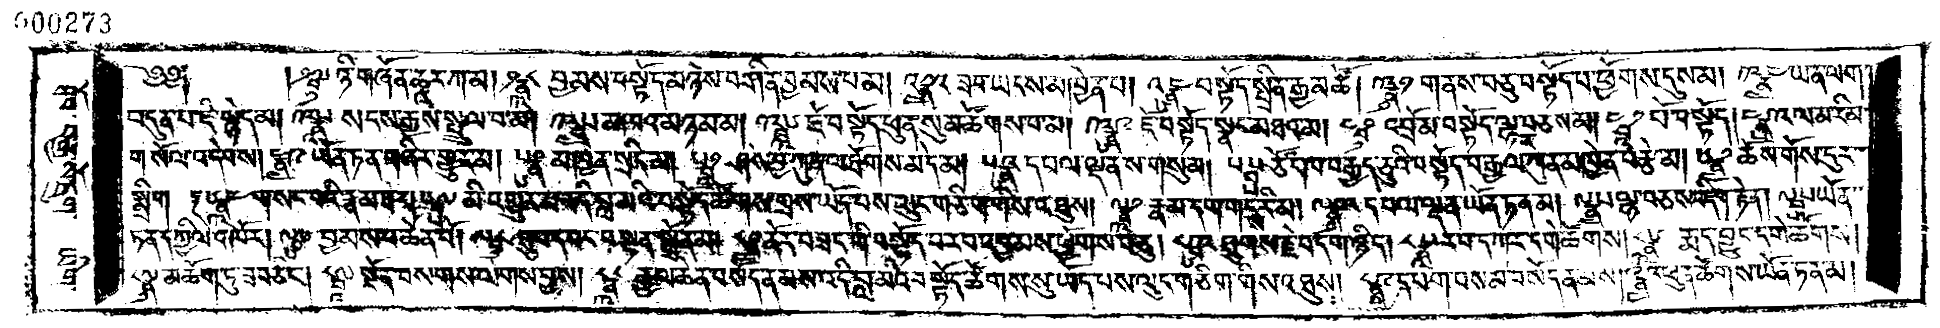༄༅། །༡༧བ༡་ཉི་གཞོན་ཆར་ཀ་མ། ༡༨ན༣་བྱམས་བསྟོད་མཉེས་བཤིན་བྱམས་པ་མ། ༢༣ན༤་ཟབ་ཡངས་མཁྱེན་པ། ༢༤ན༦་བསྟོད་སྤྲིན་རྒྱ་མཚོ། ༣༡ན༡་གནས་བཅུ་བསྟོད་པ་ཕྱོགས་དུས་མ། ༣༤ན༤་ཡན་ལག་
བདུན་པ་ཇི་སྙེད་མ། ༣༥ན༢་སངས་རྒྱས་སྤྲུལ་བ་མ། ༣༥བ༤་མཁའ་མཉམ་མ། ༣༦བ༣་ཇོ་བསྟོད་ཕུན་སུམ་ཚོགས་པ་མ། ༣༩ན༦་ཇོ་བསྟོད་སྣང་མཐའ་མ། ༤༠བ༡་འབྲོ་མ་བསྟོད་ལྷར་བཅས་མ། ༤༡བ༢་པོ་བསྟོད། ༤༣ན༥་ལམ་རིམ་
གསོལ་འདེབས། ༤༩ན༤་ཡོན་ཏན་གཞིར་གྱུར་མ། ༥༠ན༦་མཁྱེན་སྲིད་མ། ༥༡བ༢་ཤེས་བྱ་ཀུན་ལ་ཐོགས་མེད་མ། ༥༢ན༦་དཔལ་ལྡན་ས་གསུམ། ༥༥བ༥་ཙོང་ཁ་བརྒྱད་ཅུའི་བསྟོད་བ་རྒྱལ་ཀུན་མཁྱེན་བརྩེ་མ། ༦༡ན༤་ཆོས་གོས་དུར་
སྨྲིག ༑༦༤ན༣་གསང་བའི་རྣམ་ཐར། ༦༧བ༥་མི་འགྱུར་མ་འདི་བླ་མའི་བསྟོད་ཚོགས་གྲས་ཡོད་པས་ལུང་གཅིག་གིས་འཐུས། ༧༡ན༣་རྣམ་དག་གངས་རིམ། ༧༣ན༡་དཔལ་ལྡན་ཡོན་ཏན་མ། ༧༥ན༤་ལྷ་བཅས་འཇིག་རྟེན། ༧༥བ༥་ཡོན་
ཏན་དཀྱིལ་འཁོར། ༧༦བ༦་བྱམས་པ་ཆེན་པོ། ༧༨བ༡་ཐུབ་དབང་བསྟན་སྒྲོན་མ། ༨༠ན༤་ནོར་བཟང་གི་བསྟོད་བ་རབ་འབྱམས་ཕྱོགས་བཅུ། ༨༣བ༦་ཐུགས་རྗེ་བདག་ཉིད། ༨༥ན༢་རབ་དཀར་དགེ་ཚོགས། ༨༦ན༣་རྨད་བྱུང་དགེ་ཚོགས།
༨༧ན༡་མཆོག་ཏུ་ཟབ་ཅིང་། ༨༧བ༢་སྔོན་བསགས་ལེགས་བྱས། ༨༨ན༣་རྒྱལ་ཆེན་བསོད་ནམས་འདི་བླ་མའི་བསྟོད་ཚོགས་སུ་ཡོད་པས་ལུང་གཅིག་གིས་འཐུས་དཔག་བསམ་བསོད་ནམས།  ༨༩ན༥ ༩༢ན༤་ཕུན་ཚོགས་ཡོན་ཏན་མ།